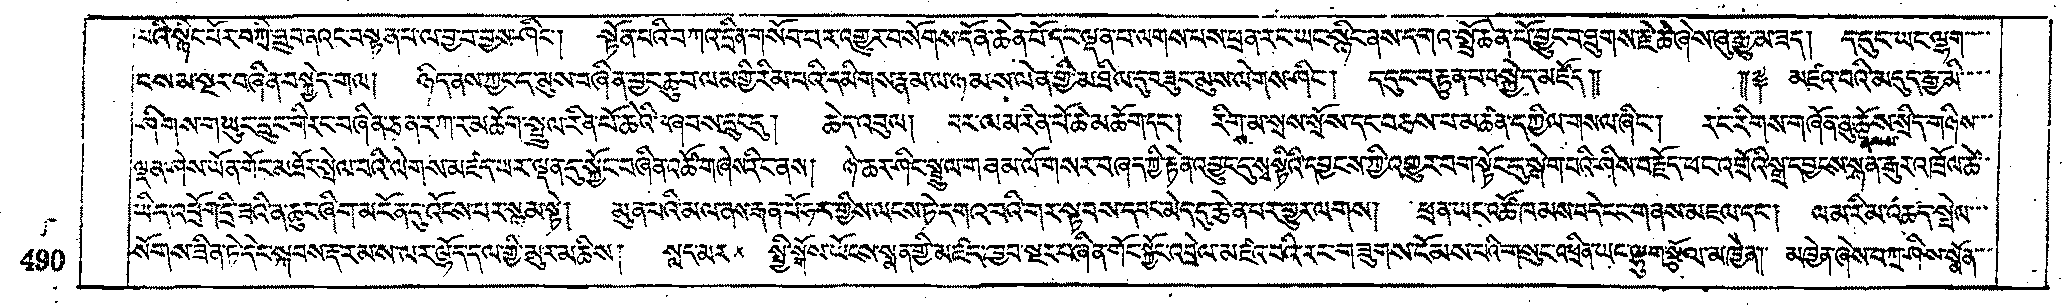པའི་སྙིང་པོར་བཀྲི་ཐུབ་ནའང་བསྟན་པ་ལ་བྱ་བ་བྱས་ཤིང་། སྟོན་པའི་བཀའ་དྲིན་གསོབ་པར་འགྱུར་བ་སོགས་དོན་ཆེན་པོ་དང་ལྡན་པ་ལགས་པས་ཕྲན་རང་ཡང་སྙིང་ནས་དགའ་སྤྲོ་ཆེན་པོ་བྱུང་བ་ཐུགས་རྗེ་ཆེ་ཞེས་ཞུ་རྒྱུ་མ་ཟད། ད་དུང་ཡང་ལྷག་་་
བསམ་སྔར་བཞིན་བསྐྱེད་གལ། ཉིད་ནས་ཀྱང་ད་མུས་བཞིན་བྱང་ཆུབ་ལམ་གྱི་རིམ་པའི་དམིགས་རྣམ་ལ་ཉམས་ལེན་གྱི་མཐིལ་དུ་བཟུང་མུས་ལེགས་ཤིང་། ད་དུང་བརྟུན་པ་བསྐྱེད་མཛོད།། །།འ་མཛའ་བའི་མདུད་རྒྱ་མི་་་
ཤིགས་གཡུང་དྲུང་གི་རང་བཞིན་ཅན་རཀ་ར་མཆོག་སྤྲུལ་རིན་པོ་ཆེའི ༧ཞབས་དྲུང་དུ། ཆེད་འབུལ། བར་ལམ་རིན་པོ་ཆེ་མཆོག་དང་། རིགས་མ་སྲས་སྲོས་དང་བཅས་པ་མཚན་དཀྱིལ་གསལ་ཞིང་། རང་རིགས་གཞོན་ནུ་རྣམས་ཆོས་སྲིད་གཉིས་་་
ལྡན་ཤེས་ཡོན་གོང་མཐོར་སྤེལ་བའི་ལེགས་མཛད་ཡར་ལྡན་དུ་སྐྱོང་བཞིན་འཚོ་གཞེས་རིང་ནས། ཉེ་ཆར་ཤིང་སྦྲུལ་གནམ་ལོ་གསར་བཞེད་ཀྱི་རྟེན་འབྱུང་དུ་སྭསྟིའི་དབྱངས་ཀྱི་འགྱུར་བག་སྲོང་དུ་སྒེག་པའི་ཤིས་བརྗོད་ཕང་འགྲོའི་སྒྲ་དབྱངས་སྙན་རྒུར་འཁོར་ཚེ་་་
ཡིད་འཕྲོག་དྲི་ཟའི་ན་ཆུང་ཞིག་མངོན་དུ་འོང་པར་སྙམ་སྟེ། མུན་པའི་མལ་ནས་རྒན་པོ་ཧར་གྱིས་ལངས་ཏེ་དགའ་བའི་གར་སྟབས་དབང་མེད་དུ་རྩེན་པར་གྱུར་ལགས། ཕྲན་ཡང་འཚོ་ཁམས་བདེ་ངང་གནས་མཇལ་དང་། ལམ་རིམ་འཆད་སྤེལ་་་
སོགས་ཟིན་ཏེ་དེང་སྐབས་རྡ་རམ་ས་ལར་ལྷོད་དལ་གྱི་མུར་མཆོས། སླད་མར་྾་སྤྱི་སྒོས་ཡོངས་སྨན་གྱི་མཛད་ཁྱབ་སྔར་བཞིན་གོང་སྐྱོང་འབྲེལ་མཛའ་བའི་རང་གཟུགས་ངོམས་པའི་གསུན་འཕྲིན་ཡང་ལྷུག་སྩོལ་མཁྱཻན། མཁྱེན་ཞེས་བཀྲ་ཤིས་སྨོན་་་